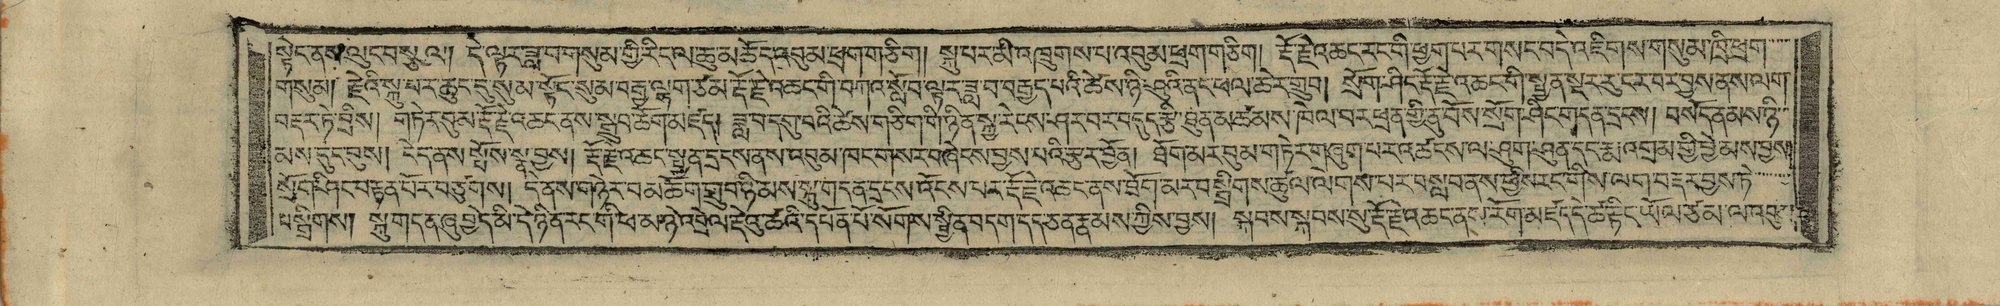སྟེང་ནས་ལུང་བསྩལ། དེ་ལྟར་ཟླ་བ་གསུམ་གྱི་རིང་ལ་ཆུ་མཆོད་འབུམ་ཕྲག་གཅིག །སྐུ་པར་མི་འཁྲུགས་པ་འབུམ་ཕྲག་གཅིག །རྡོ་རྗེ་འཆང་གི་ཕྱག་པར་གསང་བདེ་འཇིགས་གསུམ་ཁྲི་ཕྲག་
གསུམ། རྗེའི་སྐུ་པར་ཆུང་ངུ་སུམ་སྟོང་སུམ་བརྒྱ་ལྷག་ཙམ་རྡོ་རྗེ་འཆང་གི་བཀའ་སློབ་ལྟར་ཟླ་བ་བརྒྱད་པའི་ཚེས་ཉི་ཤུའི་ནང་ཕལ་ཆེར་གྲུབ། སྲོག་ཤིང་རྡོ་རྗེ་འཆང་གི་སྤྱན་སྔར་རུ་ངར་བར་བྱས་ནས་ལག་
བརྡར་ཏེ་བྲིས། གཏེར་བུམ་རྡོ་རྗེ་འཆང་ནས་སྒྲུབ་ཆོག་མཛད། ཟླ་བ་དགུ་བའི་ཚེས་གཅིག་གི་ཉིན་སྐྱ་རེངས་ཤར་བར་བདུད་རྩི་ཐུན་མཚམས་ཁེལ་བར་ཕྲན་གྱི་ནུ་བོས་སྲོག་ཤིང་གདན་དྲངས། བསོད་ནམས་ཉི་
མས་དུང་བུས། ངེད་ནས་སྤོས་སྣ་བྱས། རྡོ་རྗེ་འཆང་སྤྱན་དྲངས་ནས་འབུམ་ཁང་གསར་བཞེངས་བྱས་པའི་རྩར་བྱོན། ཐོག་མར་བུམ་གཏེར་གཞུག་པར་འཚངས་ལ་ཤུག་ཤུན་དང་རྨ་འགྲམ་གྱི་བྱེ་མས་བྱས།
སྲོག་ཤིང་བརྟན་པོར་བཙུགས། དེ་ནས་གཉེར་བ་མཆོག་གྲུབ་ཉི་མས་སྐུ་གདན་དྲངས་འོངས་པར་རྡོ་རྗེ་འཆང་ནས་ཐོག་མར་བསྒྲིགས་ཚུལ་ལེགས་པར་བསླབ་ནས་ཕྱིས་རང་གིས་ལག་བརྡར་བྱས་ཏེ་
བསྒྲིགས། སྐུ་གདན་ཞུ་བྱེད་མི་དེ་ཉིན་རང་གི་ཕ་མ་ཉེ་འབྲེལ་རྡེའུ་ཚའི་དཔོན་པོ་སོགས་སྦྱིན་བདག་དད་ཅན་རྣམས་ཀྱིས་བྱས། སྐབས་སྐབས་སུ་རྡོ་རྗེ་འཆང་ནས་རོག་མཛད་དེ་ཚ་རྟིང་ཡོལ་ཙམ་ལ་འབུམ་